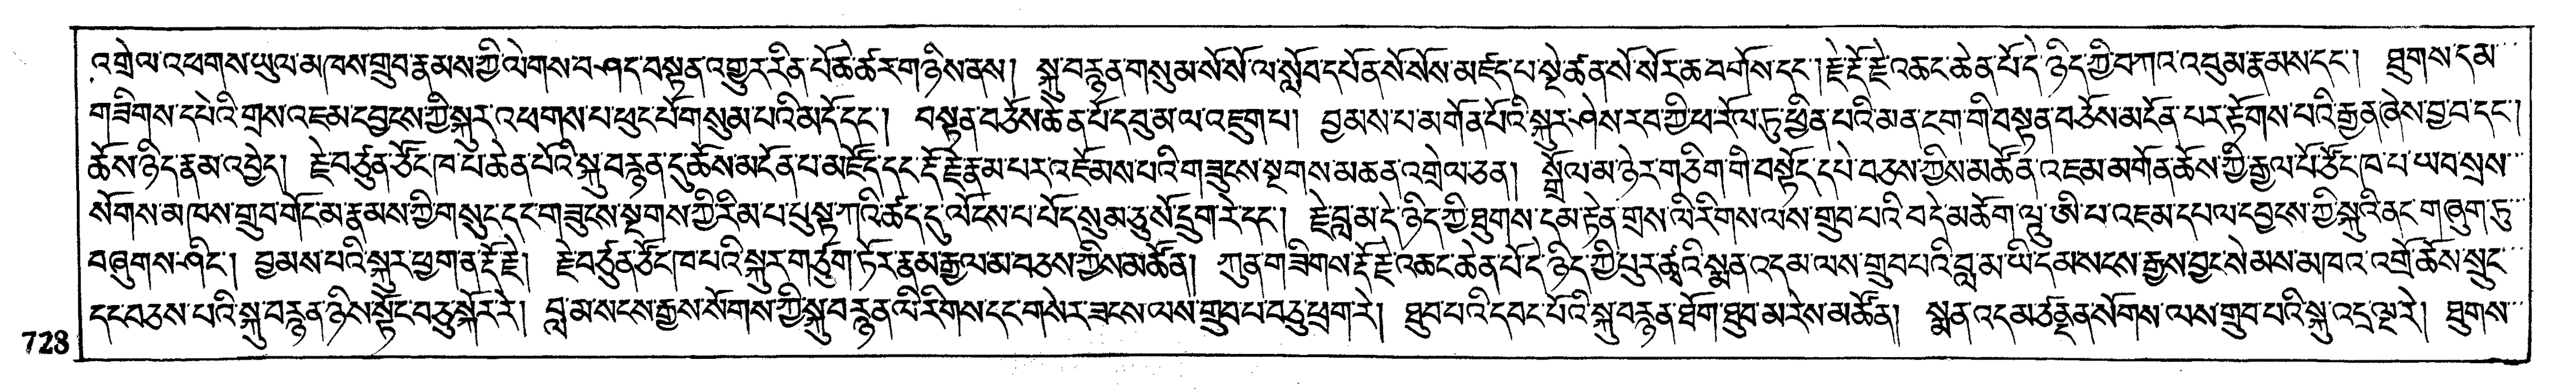འགྲེལ་འཕགས་ཡུལ་མཁས་གྲུབ་རྣམས་ཀྱི་ལེགས་བཤད་བསྟན་འགྱུར་རིན་པོ་ཆེ་ཚར་གཉིས་ནས། སྐུ་བརྙན་གསུམ་སོ་སོ་ལ་སློབ་དཔོན་སོ་སོས་མཛད་པ་སྡེ་ཚན་སོ་སོར་ཆ་བགོས་དང་། །རྗེ་རྡོ་རྗེ་འཆང་ཆེན་པོ་དེ་ཉིད་ཀྱི་བཀའ་འབུམ་རྣམས་དང་། ཐུགས་དམ་
གཟིགས་དཔེའི་གྲས་འཇམ་དབྱངས་ཀྱི་སྐུར་འཕགས་ཕ་ཕུང་པོ་གསུམ་པའི་མདོ་དང་། བསྟན་བཅོས་ཆེན་པོ་དབུ་མ་ལ་འཇུག་པ། བྱམས་པ་མགོན་པོའི་སྐུར་ཤེས་རབ་ཀྱི་ཕ་རོལ་ཏུ་ཕྱིན་པའི་མན་ངག་གི་བསྟན་བཅོས་མངོན་པར་རྟོགས་པའི་རྒྱན་ཞེས་བྱ་བ་དང་།
ཆོས་ཉིད་རྣམ་འབྱེད། རྗེ་བཙུན་ཙོང་ཁ་པ་ཆེན་པོའི་སྐུ་བརྙན་དུ་ཆོས་མངོན་པ་མཛོད་དང་རྡོ་རྗེ་རྣམ་པར་འཇོམས་པའི་གཟུངས་སྔགས་མཆན་འགྲེལ་ཅན། སྒྲོལ་མ་ཉེར་གཅིག་གི་བསྟོད་དཔེ་བཅས་ཀྱིས་མཚོན་འཇམ་མགོན་ཆོས་ཀྱི་རྒྱལ་པོ་ཙོང་ཁ་པ་ཡབ་སྲས་
སོགས་མཁས་གྲུབ་གོང་མ་རྣམས་ཀྱི་གསུང་དང་གཟུངས་སྔགས་ཀྱི་རིམ་པ་པུ་སྟ་ཀའི་ཚད་དུ་ལོངས་པ་པོད་སུམ་ཅུ་སོ་དྲུག་རེ་དང་། རྗེ་བླ་མ་དེ་ཉིད་ཀྱི་ཐུགས་དམ་རྟེན་གྲས་ལི་རིགས་ལས་གྲུབ་པའི་བདེ་མཆོག་ལཱུ་ཨི་པ་འཇམ་དཔལ་དབྱངས་ཀྱི་སྐུའི་ནང་གཞུག་ཏུ་
བཞུགས་ཤིང་། བྱམས་པའི་སྐུར་ཕྱག་ན་རྡོ་རྗེ། རྗེ་བཙུན་ཙོང་ཁ་པའི་སྐུར་གཙུག་ཏོར་རྣམ་རྒྱལ་མ་བཅས་ཀྱིས་མཚོན། ཀུན་གཟིགས་རྡོ་རྗེ་འཆང་ཆེན་པོ་དེ་ཉིད་ཀྱི་པུར་ཚྭའི་སྨན་འདམ་ལས་གྲུབ་པའི་བླ་མ་ཡི་དམ་སངས་རྒྱས་བྱང་སེམས་མཁའ་འགྲོ་ཆོས་སྲུང་
དང་བཅས་པའི་སྐུ་བརྙན་ཉིས་སྟོང་བཅུ་སྐོར་རེ། བླ་མ་སངས་རྒྱས་སོགས་ཀྱི་སྐུ་བརྙན་ལི་རིགས་དང་གསེར་ཟངས་ལས་གྲུབ་པ་བཅུ་ཕྲག་རེ། ཐུབ་པའི་དབང་པོའི་སྐུ་བརྙན་ཐོག་ཐུབ་མ་རེས་མཚོན། སྨན་འདམ་ཙནྡན་སོགས་ལས་གྲུབ་པའི་སྐུ་འདྲ་ལྔ་རེ། ཐུགས་